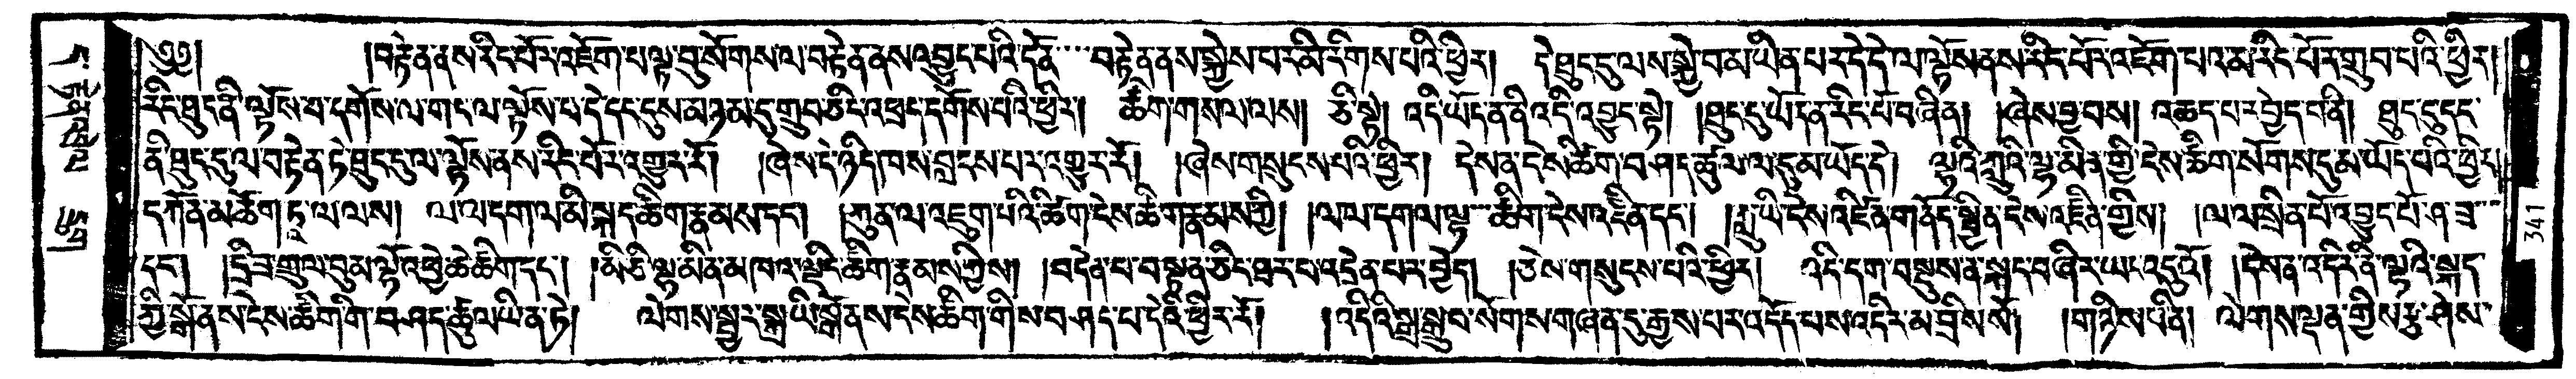༄༅། །བརྟེན་ནས་རིང་པོར་འཇོག་པ་ལྟ་བུ་སོགས་ལ་བརྟེན་ནས་འབྱུང་པའི་དོན་བརྟེན་ནས་སྐྱེས་བར་མི་རིགས་པའི་ཕྱིར། དེ་ཐུང་ངུ་ལས་སྐྱེ་བ་མ་ཡིན་པར་དེ་དེ་ལ་ལྟོས་ནས་རིང་པོར་འཇོག་པའམ་རིང་པོར་གྲུབ་པའི་ཕྱིར།
རིང་ཐུང་ནི་ལྟོས་པ་དགོས་ལ་གང་ལ་ལྟོས་པ་དེ་དང་དུས་མཉམ་དུ་གྲུབ་ཅིང་འཕྲད་དགོས་པའི་ཕྱིར། ཚིག་གསལ་ལས། ཅི་སྟེ། འདི་ཡོད་ན་ནི་འདི་འབྱུང་སྟེ། །ཐུང་དུ་ཡོད་ན་རིང་པོ་བཞིན། །ཞེས་བྱ་བས། འཆད་པར་བྱེད་པ་ནི། ཐུང་ངུ་དང་
ནི་ཐུང་ངུ་ལ་བརྟེན་ཏེ་ཐུང་ངུ་ལ་ལྟོས་ནས་རིང་པོར་འགྱུར་རོ། །ཞེས་དེ་ཉིད་ཁས་བླངས་པར་འགྱུར་རོ། །ཞེས་གསུངས་པའི་ཕྱིར། དེས་ན་ངེས་ཚིག་བཤད་ཚུལ་ལ་དུ་མ་ཡོད་དེ། ལྷའི་ཀླུའི་ལྷ་མིན་གྱི་ངེས་ཚིག་སོགས་དུ་མ་ཡོད་པའི་ཕྱིར།
དཀོན་མཆོག་ཏཱ་ལ་ལས། ལ་ལ་དག་ལ་མི་སྐད་ཚིག་རྣམས་དང་། །ཀུན་ལ་འཇུག་པའི་ཚིག་ངེས་ཚིག་རྣམས་ཀྱི། །ལ་ལ་དག་ལ་ལྷ་ཚིག་ངེས་འཛིན་དང་། །ཀླུ་ཡི་ངེས་འཛིན་གནོད་སྦྱིན་ངེས་འཛིན་གྱིས། །ལ་ལ་སྲིན་པོ་འབྱུང་པོ་ཤ་ཟ་
དང་། །དྲི་ཟ་གྲུལ་བུམ་ལྟོ་འཕྱེ་ཆེ་ཚིག་དང་། །མི་ཅི་ལྷ་མིན་མཁའ་ལྡིང་ཚིག་རྣམས་ཀྱིས། །བདེན་པ་བསྟན་ཅིང་ཐར་བ་འདྲེན་པ་བྱེད། །ཅེས་གསུངས་པའི་ཕྱིར། འདི་དག་བསྡུས་ན་སྐད་བཞིར་ཡང་འདུ་འོ། །དེས་ན་འདིར་ནི་ལྷའི་སྐད་
ཀྱི་སྒོ་ནས་ངེས་ཚིག་གི་བཤད་ཚུལ་ཡིན་ཏེ། ལེགས་སྦྱར་སྒྲ་ཡི་སྒོ་ནས་ངེས་ཚིག་གིས་བཤད་པ་དེའི་ཕྱིར་རོ། །འདིའི་སྒྲ་སྒྲུབ་སོགས་གཞན་དུ་རྒྱས་པར་འདོད་པས་འདིར་མ་བྲིས་སོ། །གཉིས་པ་ནི། ལེགས་ལྡན་གྱིས་རྩ་ཤེས་